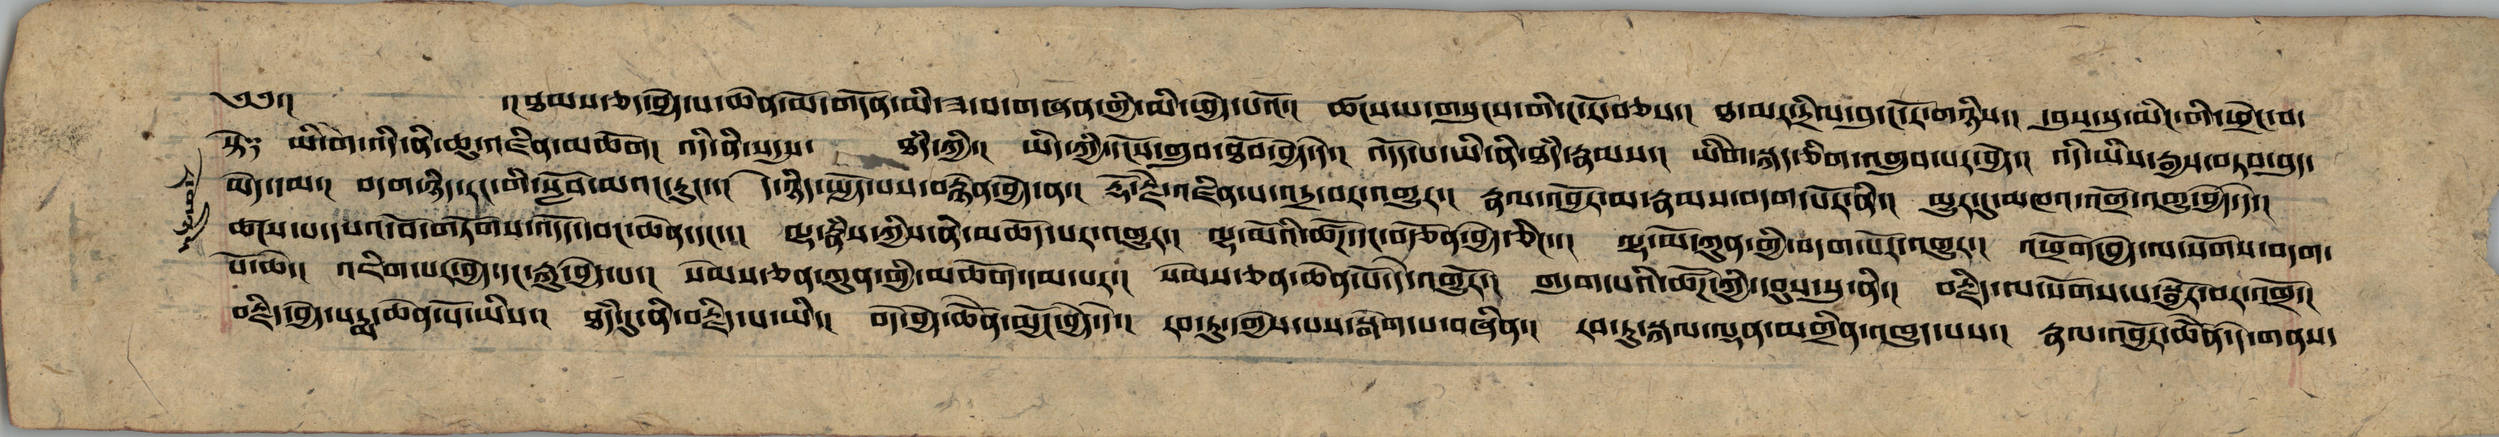༄༅་། ་།ཐམས་ཅད་བྱེད་པ་ཆེན་མོ་གདོན་མི་ཟ་བ་གཞན་གྱི་མི་ཕྱེད་པའོ་། ཚངས་པ་གསུངས་གི་ང་རོ་བཅས་། ཐ་མར་དྲིལ་བུ་ང་རོ་གཉིས་། དབུས་སུ་མིང་གི་ཕྲེང་བ་
སྟེ༑ ཡི་གེ་འདི་ནི་ཆུ་འཛིན་མཆོག། འདི་ནི་སདྱས་ ཐཾད་ཀྱི་། ཡིད་ཀྱི་དངོས་གྲུབ་ཐོབ་བྱེད་དེ་། འདོད་པ་ཡི་ནི་ཐཾད་རྣམས་། ཡིགེ་སྐད་ཅིག་འགྲུབ་པར་བྱེད་། འདི་ཡིས་རྒྱས་བཏབ་བུད་
མེད་དམ་། བདག་ཉིད་རང་གི་སློབ་མའང་རུང་་། དེ་ཉིད་སྤྱོད་པས་བརྙེན་བྱེད་ན་། རྡོ་རྗེ་འཛིན་པ་འདྲ་བར་འགྱུར་། རྣལ་འབྱོར་མ་རྣམས་བདག་པོར་ནི་། མྱུར་དུ་མཁའ་འགྲོ་འགྱུ་བྱེད་དེ་།
ཚངས་པ་དཔའ་བོ་གཏོགས་འདོད་དབང་ཆེན་དང་་། ལྷ་རྣཾས་ཀྱིས་ནི་མཆོད་པར་འགྱུར་། ལྷ་མོའི་ཚོཌ་དང་བརྩོན་བྱེད་ཅིང་་། ལྷ་མོ་ཀུན་གྱི་བདག་པོར་འགྱུར་། འཕྲོག་བྱེད་ལ་སོགས་བདག་
པོ་ཆེ་། འཇིག་པར་བྱེད་དང་རྐུ་བྱེད་པ་། སེམས་ཅན་ཀུན་གྱི་མཆོག་དམ་པར་། སེམས་ཅན་ཆེན་པོ་དེ་འགྱུརོ་། གདུག་པའི་ཚོཌ་ཀྱི་དབུས་སུ་ནི་། བརྗིད་ལ་སོགས་པ་སྦྱོར་བར་འགྲོ་།
བརྗིད་བྱེད་པདྨ་ཆེན་པོ་ཡིས་། ཐཾད་དུ་ནི་བརྗིད་པ་ཡི་། བདེ་བྱེད་ཆེནོ་མྱོང་བྱེད་དེ་། རབ་ཏུ་དགྱེས་པས་སྒེག་པ་བཞིན་། རབ་ཏུ་སྐལ་ལྡན་མགྲིན་འཁྱུད་པས་། རྣལ་འབྱོར་ཆེནོ་དེ་གནས་